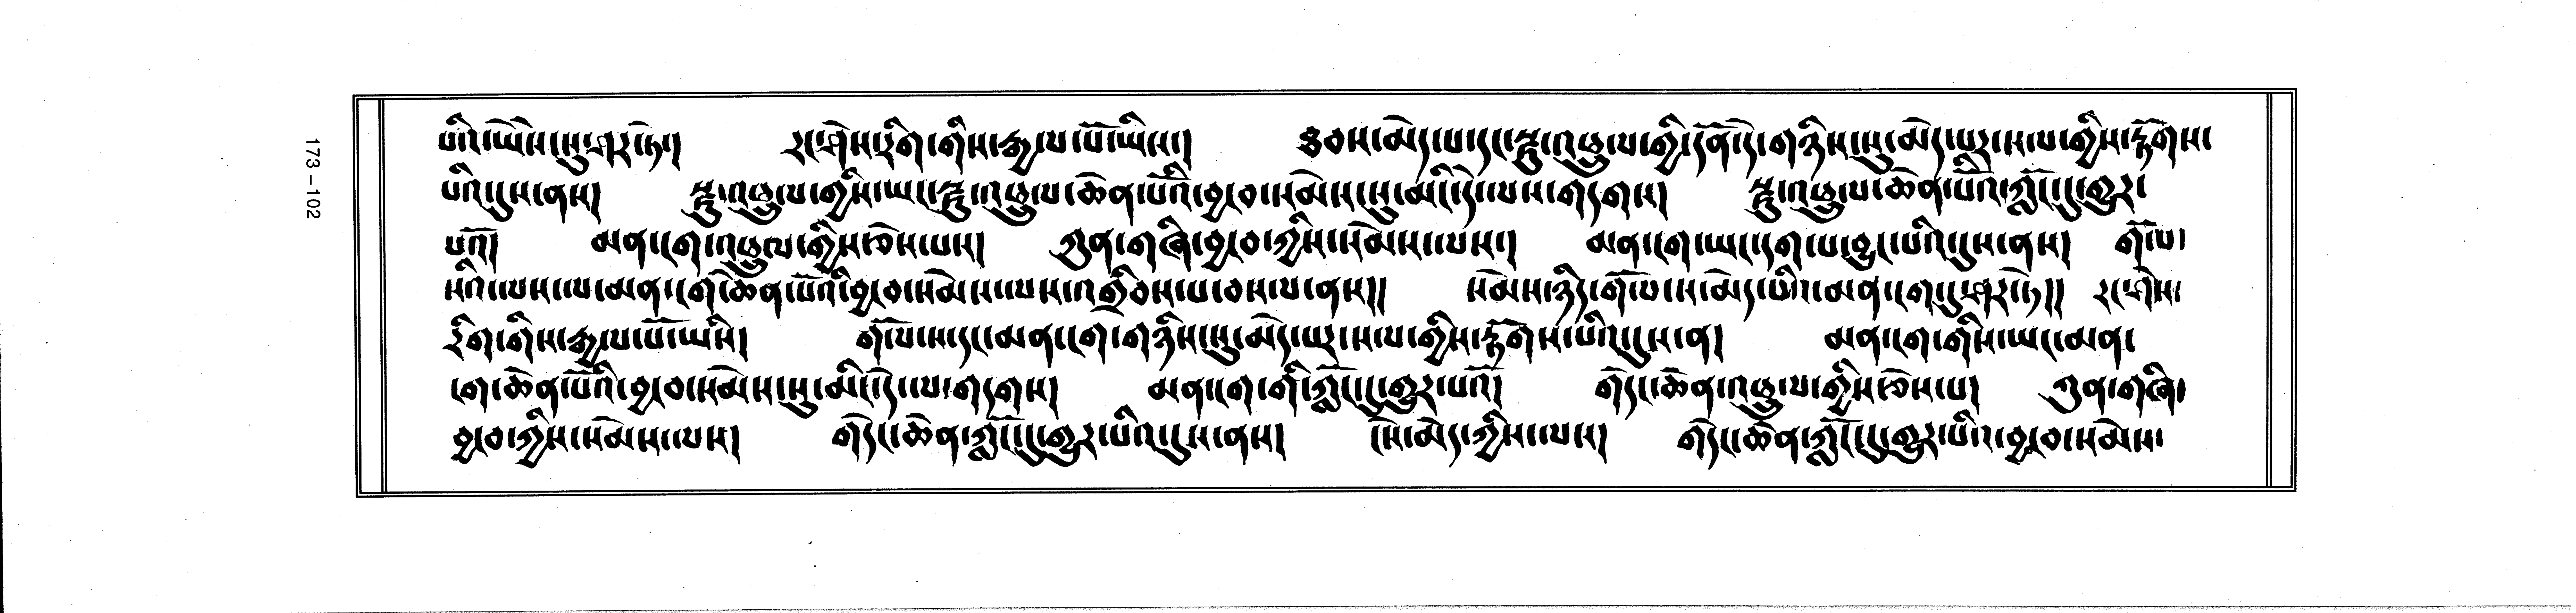པའི་ཡེ་ཤེས་སུ་ཤར་ཏེ། རང་ཤེས་རིག་གི་རྒྱལ་པོ་ཡིས། ཐབས་མེད་པ་དང་རྫུ་འཕྲུལ་གྱི་དོན་དེ་གཉིས་སུ་མེད་པར་སལ་གྱིས་རྟོགས་
པའི་དུས་ན། རྫུ་འཕྲུལ་གྱིས་ཡང་རྫུ་འཕྲུལ་ཆེན་པོའི་བྱང་ཆུབ་ཀྱི་སེམས་སུ་མིང་དེ་ལ་གདགས། རྫུ་འཕྲུལ་ཆེན་པོའི་ཀློང་དུ་གྱུར་
པའོ། །མན་དག་འཕྲུལ་གྱིས་ཅེས་པས། ཀུན་གཞི་བྱང་ཆུབ་ཀྱི་སེམས་ལས། མན་ངག་ཡང་དག་པ་བྱུང་བའི་དུས་ནས། གོལ་
སའི་ལས་ལ་མན་ངག་ཆེན་པོའི་བྱང་ཆུབ་སེམས་འགྲིབ་པ་བསལ་ནས། སེམས་ཉིད་གོལ་ས་མེད་པའི་མན་ངག་ཏུ་ཤར་ཏེ། རང་ཤེས་
རིག་གི་རྒྱལ་པོ་ཡིས་གོལ་ས་དང་མན་ངག་གཉིས་སུ་མེད་པར་སལ་གྱིས་རྟོགས་པའི་དུས་ན། མན་ངག་གིས་ཡང་མན་
ངག་ཆེན་པོའི་བྱང་ཆུབ་སེམས་སུ་མིང་དེ་ལ་གདགས། མན་ངག་གི་ཀློང་དུ་གྱུར་པའོ། །གདེང་ཆེན་འཕྲུལ་གྱིས་ཅེས་པས། ཀུན་གཞི་
བྱང་ཆུབ་ཀྱི་སེམས་ལས། གདེང་ཆེན་ཀློང་དུ་གྱུར་པའི་དུས་ནས། ངེས་མེད་ཀྱི་ལས། ངེས་མེད་ཀྱི་ལས། གདེང་ཆེན་ཀློང་དུ་གྱུར་པའི་བྱང་ཆུབ་སེམས་